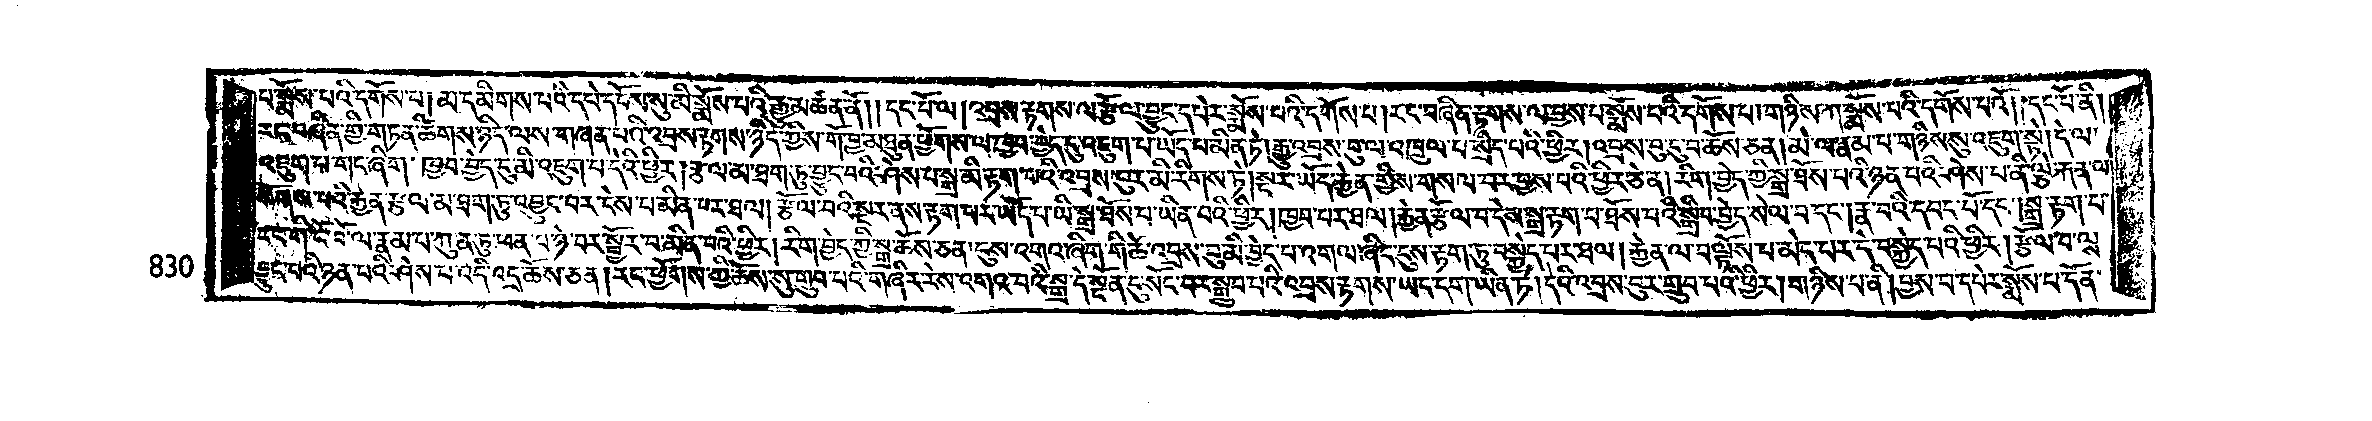པ་སྨོས་པའི་དགོས་པ། མ་དམིགས་པའི་དཔེ་དངོས་སུ་མི་སྨོས་པའི་རྒྱུ་མཚན་ནོ། །དང་པོ་ལ། འབྲས་རྟགས་ལ་རྩོལ་བྱུང་དཔེར་སྨོས་པའི་དགོས་པ། རང་བཞིན་རྟགས་ལ་བྱས་པ་སྨོས་པའི་དགོས་པ། གཉིས་ཀ་སྨོས་པའི་དགོས་པའོ། །དང་པོ་ནི།
རང་བཞིན་གྱི་གཏན་ཚིགས་ཉིད་ལས་གཞན་པའི་འབྲས་རྟགས་ཉིད་ཀྱིས་གོ་བྱ་མཐུན་ཕྱོགས་ལ་ཁྱབ་བྱེད་དུ་འཇུག་པ་ཡོད་པ་མིན་ཏེ། རྒྱུ་འབྲས་བུ་ལ་འཁྲུལ་པ་སྲིད་པའི་ཕྱིར། འབྲས་བུ་དུ་བ་ཆོས་ཅན། མེ་ལ་རྣམ་པ་གཉིས་སུ་འཇུག་སྟེ། དེ་ལ་
འཇུག་པ་གང་ཞིག་ཁྱབ་བྱེད་དུ་མི་འཇུག་པ་དེའི་ཕྱིར། རྩལ་མ་ཐག་ཏུ་བྱུང་བའི་ཤེས་པ་སྒྲ་མི་རྟག་པའི་འབྲས་བུར་མི་རིགས་ཏེ། སྔར་ཡོད་རྐྱེན་གྱིས་གསལ་བར་བྱས་པའི་ཕྱིར་ཅེ་ན། རིག་བྱེད་ཀྱི་སྒྲ་ཐོས་པའི་ཉན་པའི་ཤེས་པ་ནི་ལྕེ་རྐན་ལ་
སོགས་པའི་རྐྱེན་རྩལ་མ་ཐག་ཏུ་འབྱུང་བར་ངེས་པ་མིན་པར་ཐལ། རྩོལ་པའི་སྔར་ནས་རྟག་པར་ཡོད་པ་ཡི་སྒྲ་ཐོས་པ་ཡིན་པའི་ཕྱིར། ཁྱབ་པར་ཐལ། རྐྱེན་རྩོལ་བ་དེས་སྒྲ་རྟག་པ་ཐོས་པའི་སྒྲིབ་བྱེད་སེལ་བ་དང་། རྣ་བའི་དབང་པོ་དང་། སྒྲ་རྟག་པ་
རང་གི་ངོ་བོ་ལ་རྣམ་པ་ཀུན་ཏུ་ཕན་པ་ཉེ་བར་སྦྱོར་བ་མིན་པའི་ཕྱིར། རིག་བྱེད་ཀྱི་སྒྲ་ཆོས་ཅན་དུས་འགའ་ཞིག་གི་ཚེ་འབྲས་བུ་མི་བྱེད་པ་འགལ་ཞིང་དུས་རྟག་ཏུ་བསྐྱེད་པར་ཐལ། རྐྱེན་ལ་བལྟོས་པ་མེད་པར་དེ་བསྐྱེད་པའི་ཕྱིར། རྩོལ་བ་ལས་
བྱུང་བའི་ཉན་པའི་ཤེས་པ་འདི་འདྲ་ཆོས་ཅན། རང་ཕྱོགས་ཀྱི་ཆོས་སུ་གྲུབ་པའི་གཞིར་རེས་འགའ་བའི་སྒྲ་དེ་སྔོན་དུ་སོང་བར་སྒྲུབ་པའི་འབྲས་རྟགས་ཡང་དག་ཡིན་ཏེ། དེའི་འབྲས་བུར་གྲུབ་པའི་ཕྱིར། གཉིས་པ་ནི། བྱས་པ་དཔེར་སྨོས་པ་དོན་